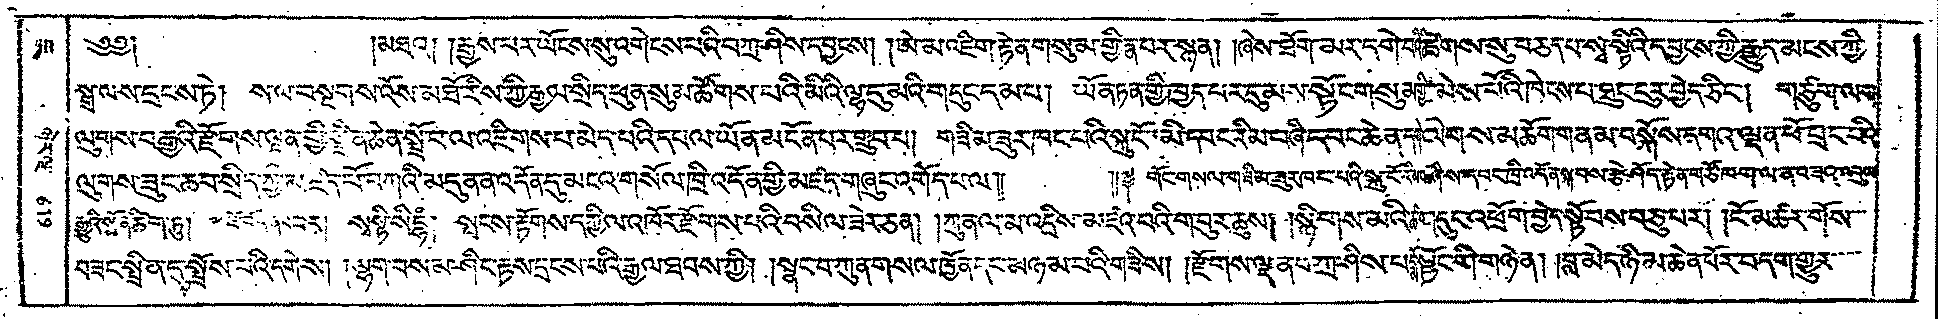༄༅། །མཐའ། །རྒྱས་པར་ཡོངས་སུ་འགེངས་པའི་བཀྲ་ཤིས་དབྱངས། །ཨེ་མ་འཇིག་རྟེན་གསུམ་གྱི་རྣ་བར་སྙན། །ཞེས་ཐོག་མར་དགེ་བའི་ཚིགས་སུ་བཅད་པ་སྭ་སྟིའི་དབྱངས་ཀྱི་རྒྱུད་མངས་ཀྱི་
སྒྲ་ལས་དྲངས་ཏེ། ས་ལ་བསྔགས་འོས་མཐོ་རིས་ཀྱི་རྒྱལ་སྲིད་ཕུན་སུམ་ཚོགས་པའི་མིའི་ལྷ་དུ་མའི་གདུང་དམ་པ། ཡོན་ཏན་གྱི་ཁྱད་པར་དུ་མས་སྟོང་གསུམ་གྱི་མེས་པོའི་ཁེངས་པ་ཐུང་ངུར་བྱེད་ཅིང་། གཙུག་ལག་
ལུགས་བརྒྱའི་རྫོགས་ལྡན་གྱི་སྤྲིན་ཆེན་སྤྲོ་བ་ལ་འཇིགས་པ་མེད་པའི་དཔལ་ཡོན་མངོན་པར་གྲུབ་པ། གཟིམ་ཟུར་ཁང་པའི་སྐུ་ངོ་མི་དབང་རིམ་བཞི་དབང་ཆེན་དགེ་ལེགས་མཆོག་གནམ་བསྐོས་དགའ་ལྡན་ཕོ་བྲང་པའི་
ལུགས་ཟུང་ཆབ་སྲིད་ཀྱི་མཛད་པོ་བཀའི་མདུན་ན་འདོན་དུ་མངའ་གསོལ་ཁྲི་འདོན་གྱི་མཛད་གཞུང་འགོད་པ་ལ།། །། ༈ གོང་གསལ་གཟིམ་ཟུར་ཁང་པའི་སྐུ་ངོ་རིམ་བཞི་ས་དབང་ཁྲི་འདོན་སྐབས་རྩེ་ཤོད་རྟེན་གཙོ་ཁག་ལ་ན་བཟའ་འབུལ་
རྒྱུའི་སྨོན་ཚིག་ཏུ། ༧ཇོ་བོའི་ན་བཟར། སྭ་སྟི་སིདྷཾ། སྤངས་རྟོགས་དཀྱིལ་འཁོར་རྫོགས་པའི་བསིལ་ཟེར་ཅན། །ཀུན་ལ་མ་འདྲིས་མཛའ་བའི་ག་བུར་ཆུས། །སྙིགས་མའི་ཚ་གདུང་འཕྲོག་བྱེད་སྟོབས་བཅུ་པར། །ངོ་མཚར་གོས་
བཟང་སྤྲིན་དུ་སྤྲོས་པའི་དགེས། །ལྷག་བསམ་ཤིང་རྟས་དྲངས་པའི་རྒྱལ་ཐབས་ཀྱི། །སྣང་བ་ཀུན་གསལ་ཁྱོན་དང་མཉམ་པའི་གཟིས། །རྫོགས་ལྡན་བཀྲ་ཤིས་པདམོ་སྟོང་གི་གཉེན། །བླ་མེད་ཉི་མ་ཆེན་པོར་བདག་གྱུར་